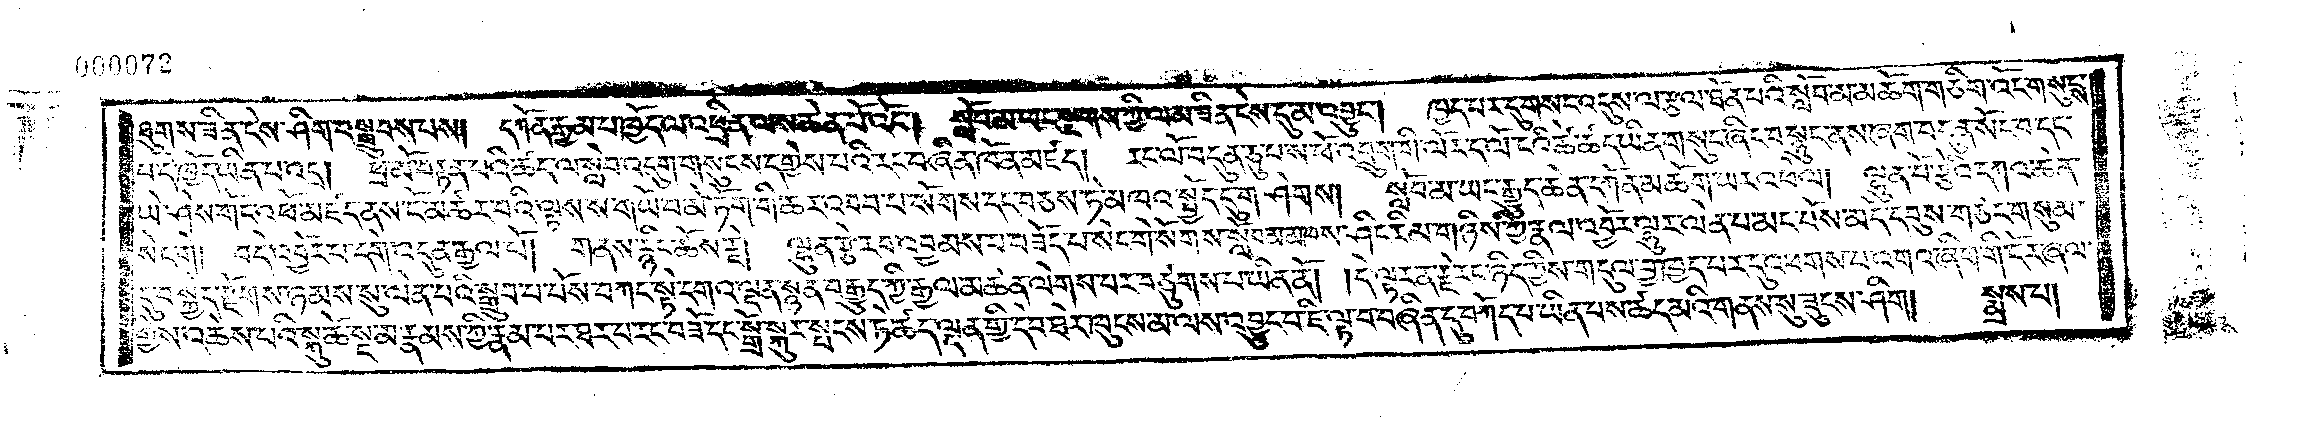ཐུགས་ཟིན་ངེས་ཤིག་བསྒྲུབས་པས། དཀོན་རྒྱམ་པ་ཁྱོད་ལ་འཕྲིན་ལས་ཆེན་པོ་འོང་། སློབ་མ་ཡང་སྔགས་ཀྱི་ལམ་ཟིན་ངེས་དུ་མ་འབྱུང་། ཁྱད་པར་དུ་གསང་འདུས་ལ་རྩལ་ཐོན་པའི་སློབ་མ་མཆོག་གཅིག་འོང་གསུངས་
པ་དེ་ཁྱོད་ཡིན་པ་འདྲ། ཕྲ་མོ་བརྟན་པའི་ཚང་ལ་སླེབ་འདུག་གསུངས་དགྱེས་པའི་རང་བཞིན་ཁོ་ན་མཛད། རང་ལོ་བདུན་ཅུ་པ་ས་ཕོ་འབྲུག་གི་ལོར་ད་ལོ་ངའི་ཚེ་ཚད་ཡིན་གསུང་ཞིང་བསྙུང་ནས་ཞག་བདུན་སོང་བ་དང་
ཡེ་ཤེས་གོང་འཕོ་མཛད་ནས་ངོ་མཚར་བའི་ལྟས་ས་གཡོ་བ་མེ་ཏོག་གི་ཆར་འབབ་པ་སོགས་དང་བཅས་ཏེ་མཁའ་སྤྱོད་དུ་གཤེགས། སློབ་མ་ཡང་རྒྱུད་ཆེན་དཀོན་མཆོག་ཡར་འཕེལ། ལྷུན་པོ་རྩེའི་དཀའ་ཆེན་
སེང་གེ། བདེ་འབྱོར་པ་དགེ་འདུན་རྒྱལ་པོ། གནས་རྙིང་ཆོས་རྗེ། ལྷུན་རྩེ་རབ་འབྱམས་པ་བཟོད་པ་སེང་གེ་སོགས་སློབ་མ་མཁས་ཤིང་རིམ་གཉིས་ཀྱི་རྣལ་འབྱོར་ལྷུར་ལེན་པ་མང་པོས་མདོ་དབུས་གཙང་གསུམ་
དུ་བསྐྱེད་རྫོགས་ཉམས་སུ་ལེན་པའི་སྒྲུབ་པ་པོས་བཀང་སྟེ་དགའ་སླྡན་སྙན་བརྒྱུད་ཀྱི་རྒྱལ་མཚན་ལེགས་པར་བཙུགས་པ་ཡིན་ནོ། །དེ་ལྟར་ན་རྗེ་རང་ཉིད་ཀྱིས་གདུལ་བྱ་ཁྱད་པར་དུ་འཕགས་པ་འགའ་ཞིག་གི་ངོར་ཞལ་
གྱིས་འཆེས་པའི་སྐུ་ཚེ་སྔ་མ་རྣམས་ཀྱི་རྣམ་པར་ཐར་པ་རང་བཟོ་དང་སྒྲོ་སྐུར་སྤངས་ཏེ་ཚད་ལྡན་གྱི་དེབ་ཐིར་ཁུངས་མ་ལས་འབྱུང་བ་ཇི་ལྟ་བ་བཞིན་དུ་བཀོད་པ་ཡིན་པས་ཚད་མའི་གནས་སུ་ཟུངས་ཤིག། སྨྲས་པ།